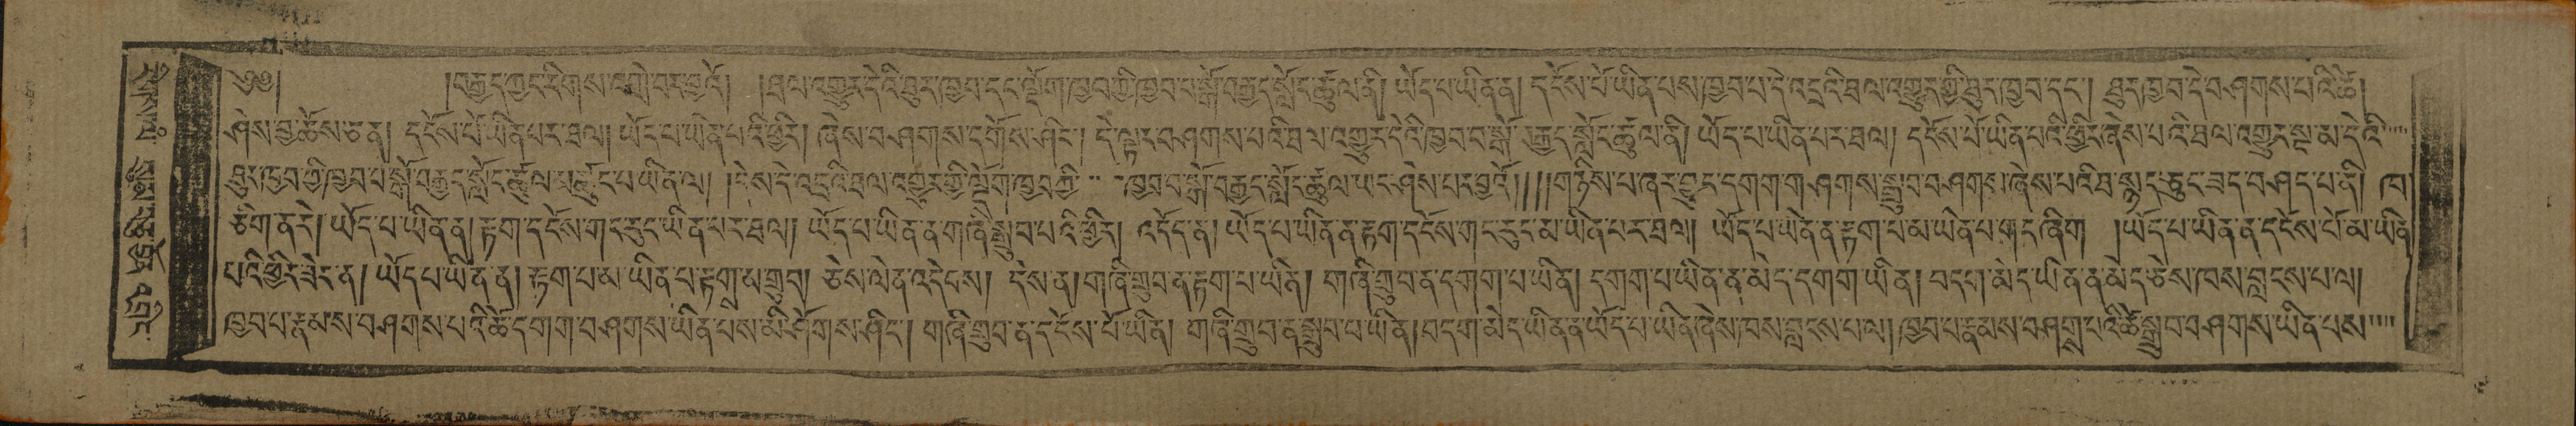༄༅། །བརྒྱད་ཀྱང་རིགས་འགྲེ་བར་བྱའོ། །ཐལ་འགྱུར་དེའི་ཐུར་ཁྱབ་དང་ལྡོག་ཁྱབ་ཀྱི་ཁྱབ་པ་སྒོ་བརྒྱད་སློང་ཚུལ་ནི། ཡོད་པ་ཡིན་ན། དངོས་པོ་ཡིན་པས་ཁྱབ་པ་དེ་འདྲའི་ཐལ་འགྱུར་གྱི་ཐུར་ཁྱབ་དང་། ཐུར་ཁྱབ་དེ་བཤགས་པའི་ཚེ།
ཤེས་བྱ་ཆོས་ཅན། དངོས་པོ་ཡིན་པར་ཐལ། ཡོད་པ་ཡིན་པའི་ཕྱིར། ཞེས་བཤགས་དགོས་ཤིང་། དེ་ལྟར་བཤགས་པའི་ཐལ་འགྱུར་དེའི་ཁྱབ་པ་སྒོ་བརྒྱད་སློང་ཚུལ་ནི། ཡོད་པ་ཡིན་པར་ཐལ། དངོས་པོ་ཡིན་པའི་ཕྱིར་ཞེས་པའི་ཐལ་འགྱུར་སྔ་མ་དེའི་
ཐུར་ཁྱབ་ཀྱི་ཁྱབ་པ་སྒོ་བརྒྱད་སློང་ཚུལ་མཚུང་བ་ཡིན་ལ། །དེས་དེ་འདྲའི་ཐལ་འགྱུར་གྱི་ལྡོག་ཁྱབ་ཀྱི་ཁྱབ་བ་སྒོ་བརྒྱད་སློང་ཚུལ་ཡང་ཤེས་པར་བྱའོ།། །།གཉིས་པ་ཞར་བྱུང་དགག་གཤགས་སྒྲུབ་བཤགས་ཞེས་པའི་ཐ་སྙད་ཅུང་ཟད་བཤད་པ་ནི། ཁ་
ཅིག་ན་རེ། ཡོད་པ་ཡིན་ན། རྟག་དངོས་གང་རུང་ཡིན་པར་ཐལ། ཡོད་པ་ཡིན་ན་གཞི་སྒྲུབ་པའི་ཕྱིར། འདོད་ན། ཡོད་པ་ཡིན་ན་རྟག་དངོས་གང་རུང་མ་ཡིན་པར་ཐལ། ཡོད་པ་ཡིན་ན་རྟག་པ་མ་ཡིན་པ་གང་ཞིག །ཡོད་པ་ཡིན་ན་དངོས་པོ་མ་ཡིན་
པའི་ཕྱིར་ཟེར་ན། ཡོད་པ་ཡིན་ན། རྟག་པ་མ་ཡིན་པ་རྟགས་མ་གྲུབ་ཅེས་ལེན་འདེབས། དེས་ན། གཞི་གྲུབ་ན་རྟག་པ་ཡིན། གཞི་གྲུབ་ན་དགག་པ་ཡིན། དགག་པ་ཡིན་ན་མེད་དགག་ཡིན། བདག་མེད་ཡིན་ན་མེད་ཅེས་ཁས་བླངས་པ་ལ་
ཁྱབ་པ་རྣམས་བཤགས་པའི་ཚེ་དགག་བཤགས་ཡིན་པས་མི་ཤོགས་ཤིང་། གཞི་གྲུབ་ན་དངོས་པོ་ཡིན། གཞི་གྲུབ་ན་སྒྲུབ་པ་ཡིན། བདག་མེད་ཡིན་ན་ཡོད་པ་ཡིན་ཞེས་ཁས་བླངས་པ་ལ། ཁྱབ་པ་རྣམས་བཤགས་པའི་ཚེ་སྒྲུབ་བཤགས་ཡིན་པས་